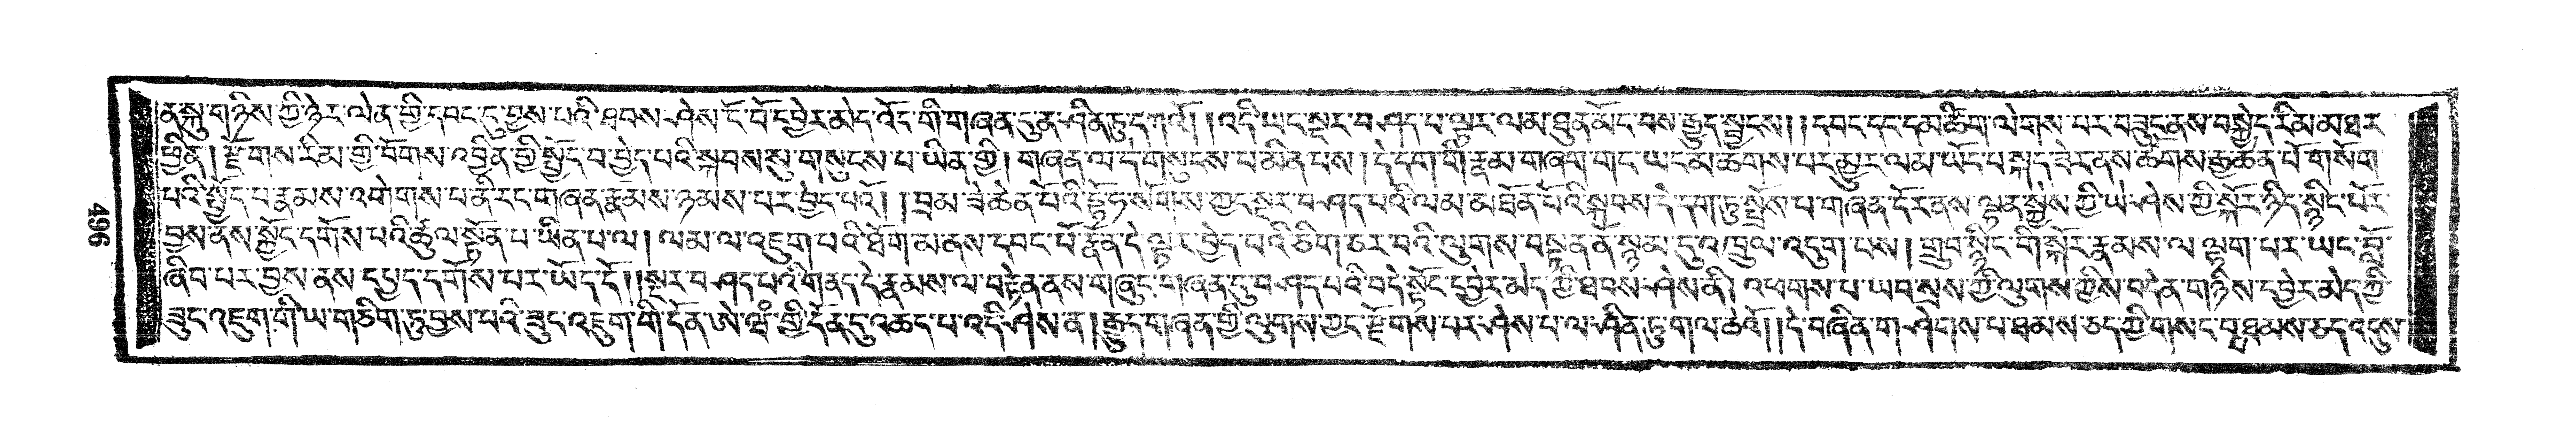ན་སྐུ་གཉིས་ཀྱི་ཉེར་ལེན་གྱི་དབང་དུ་བྱས་པའི་ཐབས་ཤེས་ངོ་བོ་དབྱེར་མེད་འོད་ཀྱི་གཞན་དུ་ན་ཤིན་ཏུ་དཀའོ། །འདི་ཡང་སྔར་བཤད་པ་ལྟར་ལམ་ཐུན་མོང་བས་རྒྱུད་སྦྱངས། དབང་དང་དམ་ཚིག་ལེགས་པར་བཟུང་ནས་བསྐྱེད་རིམ་མཐར་
ཕྱིན། རྫོགས་རིམ་གྱི་བོགས་འབྱིན་གྱི་སྤྱོད་པ་བྱེད་པའི་སྐབས་སུ་གསུངས་པ་ཡིན་གྱི། གཞན་ལ་དེ་གསུངས་པ་མིན་པས། དེ་དག་གི་རྣམ་བཞག་གང་ཡང་མ་ཆོགས་པར་མྱུར་ལམ་ཡོད་པ་སྐད་སེར་ནས་ཆོག་རྒྱ་ཆེན་པོ་གསོག་
པའི་སྤྱོད་པ་རྣམས་འགེགས་པ་ནི་རང་གཞན་རྣམས་ཉམས་པར་བྱེད་པའོ། །བྲམ་ཟེ་ཆེན་པོའི་དྷོ་གྷ་སོགས་ཀྱང་སྔར་བཤད་པའི་ལམ་མཐོན་པོའི་སྐབས་དེ་དག་ཏུ་སྤྲོས་པ་གཞན་དོར་ནས་ལྷན་སྐྱེས་ཀྱི་ཡེ་ཤེས་ཀྱི་སྐོར་ཉིད་སྙིང་པོར་
བྱས་ནས་སྐྱོང་དགོས་པའི་ཚུལ་སྟོན་པ་ཡིན་པ་ལ། ལམ་ལ་འཇུག་པའི་ཐོག་མ་ནས་དབང་པོ་རྣོན་དེ་ལྟར་བྱེད་པའི་ཅིག་ཅར་བའི་ལུགས་བསྟན་ནོ་སྙམ་དུ་འཁྲུལ་འདུག་པས། གྲུབ་སྙིང་གི་སྐོར་རྣམས་ལ་ལྷག་པར་ཡང་བློ་
ཞིབ་པར་བྱས་ནས་དཔྱད་དགོས་པར་ཡོད་དོ། །སྔར་བཤད་པའི་གནད་དེ་རྣམས་ལ་བརྟེན་ནས་གཞུང་གཞན་དུ་བཤད་པའི་བདེ་སྟོང་དབྱེར་མེད་ཀྱི་ཐབས་ཤེས་ནི། འཕགས་པ་ཡབ་སྲས་ཀྱི་ལུགས་ཀྱིས་བདེན་གཉིས་དབྱེར་མེད་ཀྱི་
ཟུང་འཇུག་གི་ཡ་གཅིག་ཏུ་བྱས་པའི་ཟུང་འཇུག་གི་དོན་ཨེ་ཝཾ་གྱི་དོན་དུ་འཆད་པ་འདི་ཤེས་ན། རྒྱུད་གཞན་གྱུ་ལུགས་ཀྱང་རྫོགས་པར་ཤེས་པ་ལ་ཤིན་ཏུ་གལ་ཆེའོ། །དེ་བཞིན་གཤེགས་པ་ཐམས་ཅད་ཀྱི་གསང་བ་ཐམས་ཅད་འདུས་